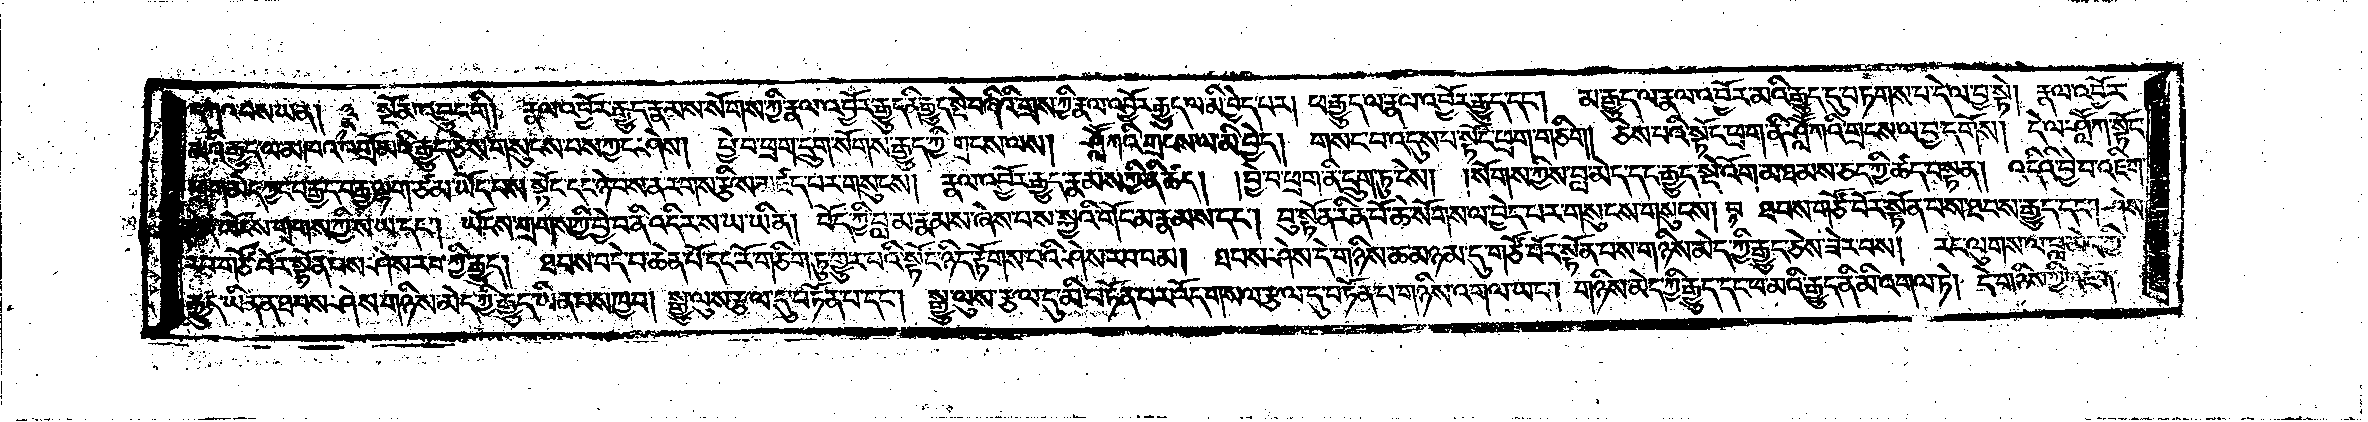དཀའ་བས་ཡན། ༣ན༡་སྔོམ་འབྱུང་གི། རྣལ་འབྱོར་རྒྱུད་རྣམས་སོགས་ཀྱི་རྣལ་འབྱོར་རྒྱུད་ནི་རྒྱུད་སྡེ་བཞིའི་གྲས་ཀྱི་རྣལ་འབྱོར་རྒྱུད་ལ་མི་བྱེད་པར། ཕ་རྒྱུད་ལ་རྣལ་འབྱོར་རྒྱུད་དང་། མ་རྒྱུད་ལ་རྣལ་འབྱོར་རྒྱུད་དང་། མ་རྒྱུད་ལ་རྣལ་འབྱོར་མའི་རྒྱུད་དུ་བཏགས་པ་དེ་ལ་བྱ་སྟེ། རྣལ་འབྱོར་
མའི་རྒྱུད་ལ་མཁའ་འགྲོ་མའི་རྒྱུད་ཅེས་གསུངས་པས་ཀྱང་ཤེས། ཕྱེ་བ་ཕྲག་དྲུག་སོགས་རྒྱུད་ཀྱི་གྲངས་ལས། ཤླཽ་ཀའི་གྲངས་ལ་མི་བྱེད། གསང་བ་འདུས་པ་སྟོང་ཕྲག་གཅིག། ཅེས་པའི་སྟོང་ཕྲག་ནི་ཤླཽ་ཀའི་གྲངས་ལ་བྱ་དགོས། དེ་ལ་ཤླཽཀ་སྟོང་
ཕྲག་མེད་ཀྱང་བརྒྱད་བརྒྱ་ལྷག་ཙམ་ཡོད་པས་སྟོང་དང་ཉེ་བས་ན་རགས་རྩིས་མཛད་པར་གསུངས། རྣལ་འབྱོར་རྒྱུད་རྣམས་ཀྱི་ནི་ཚད། །བྱེ་བ་ཕྲག་ནི་དྲུག་ཏུ་ངེས། །སོགས་ཀྱིས་བླ་མེད་དང་རྒྱུད་སྡེ་འོག་མ་ཐམས་ཅད་ཀྱི་ཚད་བསྟན། འདིའི་བྱེ་བ་འཇིག་
རྟེན་ཡོངས་གྲགས་ཀྱི་ས་ཡ་དང་། ཡོངས་གྲགས་ཀྱི་བྱེ་བ་ནི་འདིར་ས་ཡ་ཡིན། པོད་ཀྱི་བླ་མ་རྣམས་ཞེས་པས་སྐྱའི་གོང་མ་རྣམས་དང་། བུ་སྟོན་རིན་པོ་ཆེ་སོགས་ལ་བྱེད་པར་གསུངས་གསུངས། བ༡་ཐབས་གཙོ་བོར་སྟོན་པས་ཐབས་རྒྱུད་དང་། ཤེས་
རབ་གཙོ་བོར་སྟོན་པས་ཤེས་རབ་ཀྱི་རྒྱུད། ཐབས་བདེ་བ་ཆེན་པོ་དང་རོ་གཅིག་ཏུ་གྱུར་པའི་སྟོང་ཉིད་རྟོགས་པའི་ཤེས་རབ་བམ། ཐབས་ཤེས་དེ་གཉིས་ཆ་མཉམ་དུ་གཙོ་བོར་སྟོན་པས་གཉིས་མེད་ཀྱི་རྒྱུད་ཅེས་ཟེར་བས། རང་ལུགས་ལ་བླ་མེད་ཀྱི་
རྒྱུད་ཡིན་ན་ཐབས་ཤེས་གཉིས་མེད་ཀྱི་རྒྱུད་ཡིན་པས་ཁྱབ། སྒྱུ་ལུས་རྩལ་དུ་བཏོན་པ་དང་། སྒྱུ་ལུས་རྩལ་དུ་མི་བཏོན་པར་འོད་གསལ་རྩལ་དུ་བཏོན་པ་གཉིས་འགལ་ཡང་། གཉིས་མེད་ཀྱི་རྒྱུད་དང་ཕ་མའི་རྒྱུད་ནི་མི་འགལ་ཏེ། དེ་གཉིས་ཀྱི་འཇོག་